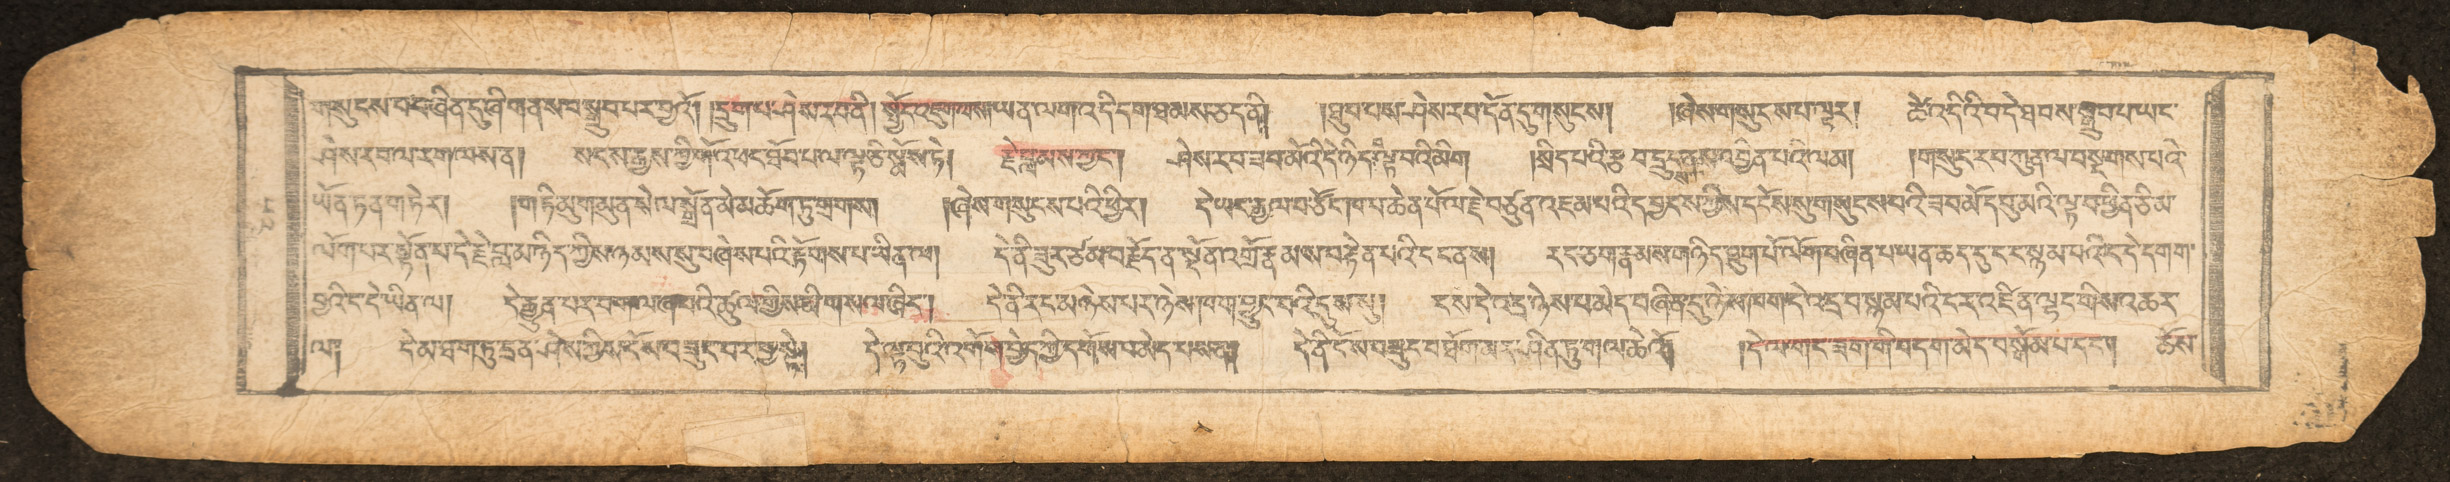གསུངས་པ་བཞིན་དུ་ཞི་གནས་བསྒྲུབ་པ་བྱའོ། །དྲུག་པ་ཤེས་རབ་ནི། སྤྱོད་འཇུག་ལས། ཡན་ལག་འདི་དག་ཐམས་ཅད་ནི། །ཐུབ་པས་ཤེས་རབ་དོན་དུ་གསུངས། །ཞེས་གསུངས་བ་ལྟར། ཚེ་འདིའི་བདེ་ཐབས་སྒྲུབ་པ་ཡང་
ཤེས་རབ་ལ་ངག་ལས་ན། སངས་རྒྱས་ཀྱི་གོ་འཕང་ཐོབ་པ་ལ་ལྟ་ཅི་སྨོས་ཏེ། རྗེ་བླ་མས་ཀྱང་། ཤེས་རབ་ཟབ་མོའི་དེ་ཉིད་བལྟ་བའི་མིག །སྲིད་བའི་རྩ་བ་དྲུངས་ནས་འབྱིན་པའི་ལམ། །གསུང་རབ་ཀུན་ལ་བསྔགས་བའི་
ཡོན་ཏན་གཏེར། །གཏི་མུག་མུན་སེལ་སྒྲོན་མེ་མཆོག་ཏུ་གྲགས། །ཞེས་གསུངས་པའི་ཕྱིར། དེ་ཡང་རྒྱལ་བ་ཙོང་ཁ་པ་ཆེན་པོ་ལ་རྗེ་བཙུན་འཇམ་པའི་དབྱངས་ཀྱིས་དངོས་སུ་གསུངས་པའི་ཟབ་མོ་དབུ་མའི་ལྟ་བ་ཕྱིན་ཅིམ་
ལོག་པར་སྟོན་པ་དེ་རྗེ་བླ་མ་ཉིད་ཀྱིས་ཉམས་སུ་བཞེས་པའི་རྟོགས་པ་ཡིན་ལ། དེ་ནི་ཟུར་ཙམ་བརྗོད་ན་སྔོན་འགྲོ་རྣམས་བརྟེན་པའི་དང་ནས། རང་ཅག་རྣམས་གཉིད་ཐུག་པོ་ལོག་བཞིན་པ་ཡན་ཆད་དུ་?་ངར་སྙམ་བའི་ང་དེ་དགག་
?་དེ་ཡིན་ལ། དེ་རྒྱུན་པ་དཔག་ལ་ཞ་བའི་ཚུལ་གྱིས་མི་གསལ་ཞིང་། དེ་ནི་རང་མཉེས་པར་ཉེས་ཁག་བྱུང་བའི་དུས་སུ། ངས་དེ་འདྲ་ཉེས་བ་མེད་བཞིན་དུ་ཉེས་ཁག་དེ་འདྲ་བསྙམ་བའི་ངར་འཛིན་ལྟང་གིས་འཆར་
ལ། དེ་མ་ཐག་ཏུ་དྲན་ཤེས་གྱིས་ངོས་བཟུང་བར་བྱ་སྟེ། དེ་ལྟ་བུའི་འགོག་བྱེད་ཀྱི་དགོས་པ་མེད་པས་ན། དེ་ནི་ངོས་བཟུང་བ་ཐོག་མར་ཤིན་ཏུ་གལ་ཆེའོ། །དེ་ལ་གང་ཟག་གི་བདག་མེད་བསྒོམ་པ་དང་། ཆོས་